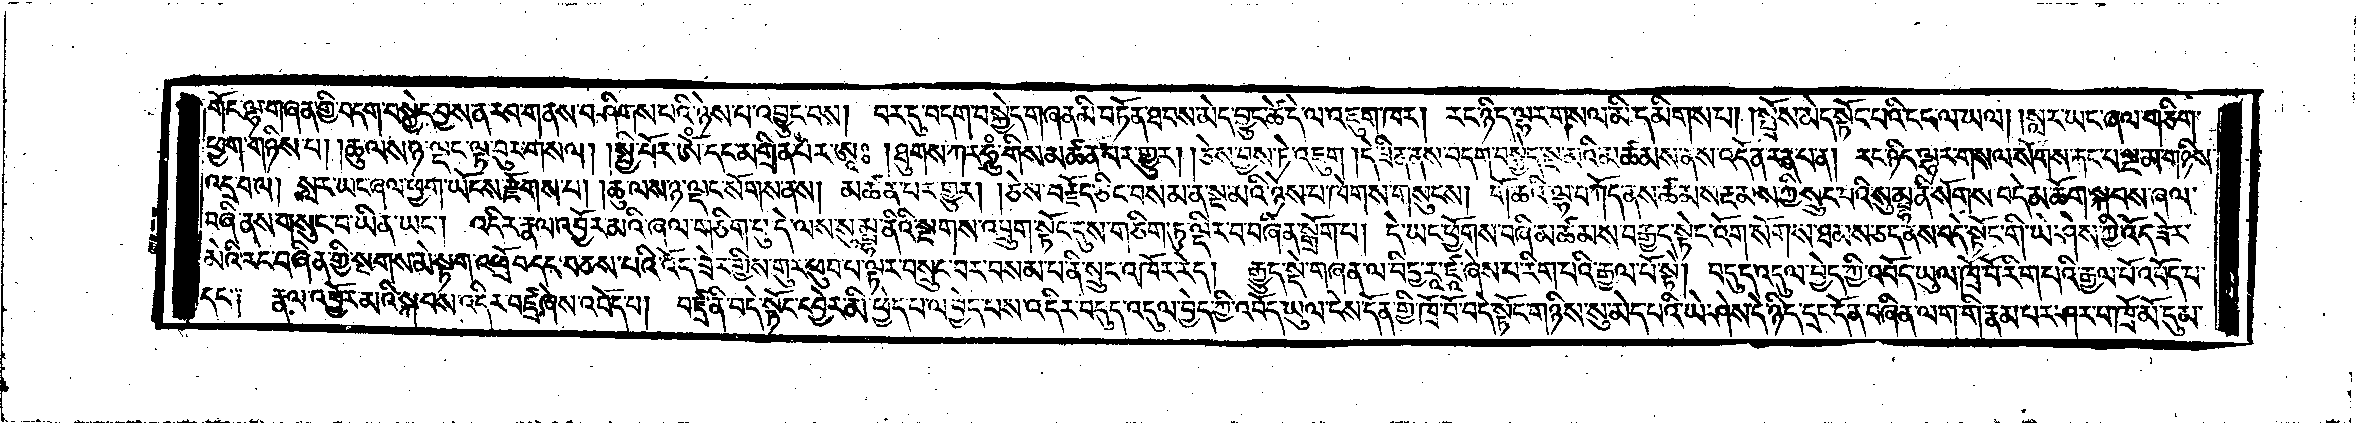གོང་ལྷ་གཞན་གྱི་བདག་བསྐྱེད་བྱས་ན་རབ་གནས་བཤིགས་པའི་ཉེས་པ་འབྱུང་བས། བར་དུ་བདག་བསྐྱེད་གཞན་མི་བཏོན་ཐབས་མེད་བྱུང་ཚེ་དེ་ལ་འཇུག་ཁར། ངང་ཉིད་ལྷར་གསལ་མི་དམིགས་པ། །སྤྲོས་མེད་སྟོང་པའི་ངང་ལ་ཡལ། །སླར་ཡང་ཞལ་གཅིག་
ཕྱག་གཉིས་པ། །ཆུ་ལས་ཉ་ལྡང་ལྟ་བུར་གསལ། །སྤྱི་བོར་ཨོཾ་དང་མགྲིན་པར་ཨཱཿ །ཐུགས་ཀར་ཧཱུཾ་གིས་མཚན་པར་གྱུར། །ཅེས་བྱས་ཏེ་འཇུག །དེ་ཟིན་ནས་བདག་བསྐྱེད་སྔ་མའི་མཚམས་ནས་འདོན་རན་པན། རང་ཉིད་ལྷར་གསལ་སོགས་རྐང་པ་སྔ་མ་གཉིས་
འདྲ་བ་ལ། སླར་ཡང་ཞལ་ཕྱག་ཡོངས་རྫོགས་པ། །ཆུ་ལས་ཉ་ལྡང་སོགས་ནས། མཚན་པར་གྱུར། །ཅེས་བརྗོད་ཅིང་བསམ་ན་སྔ་མའི་ཉེས་པ་ཁེགས་གསུངས། གོ་ཆའི་ལྷ་བཀོད་ནས་ཚམས་རྔམས་ཀྱི་སྲུང་བའི་སུམྦྷ་ནི་སོགས་བདེ་མཆོག་སྐབས་ཞལ་
བཞི་ནས་གསུང་བ་ཡིན་ཡང་། འདིར་རྣལ་འབྱོར་མའི་ཞལ་གཅིག་པུ་དེ་ལས་སུམྦྷ་ནིའི་སྔགས་འབྲུག་སྟོང་དུས་གཅིག་ཏུ་ལྡིར་བ་བཞིན་སྒྲོག་པ། དེ་ཡང་ཕྱོགས་བཞི་མཚམས་བརྒྱད་སྟེང་འོག་སོགས་ཐམས་ཅད་ནས་བདེ་སྟོང་གི་ཡེ་ཤེས་ཀྱི་འོད་ཟེར་
མེའི་རང་བཞིན་གྱི་སྔགས་མེ་སྟག་འཕྲོ་བ་དང་བཅས་པའི་འོད་ཟེར་གྱིས་གུར་ཕུབ་པ་ལྟར་བསྲུང་བར་བསམ་པ་ནི་སྲུང་འཁོར་རེད། རྒྱུད་སྡེ་གཞན་ལ་བིདྱྲཱ་ཛཱ་ཞེས་པ་རིག་པའི་རྒྱལ་པོ་སྟེ། བདུད་འདུལ་བྱེད་ཀྱི་འབོད་ཡུལ་ཁྲོ་བོ་རིག་པའི་རྒྱལ་པོ་འབོད་པ་
དང༑ རྣལ་འབྱོར་མའི་སྐབས་འདིར་བཛྲ་ཞེས་འབོད་པ། བཛྲ་ནི་བདེ་སྟོང་དབྱེར་མི་ཕྱེད་པ་ལ་བྱེད་པས་འདིར་བདུད་འདུལ་བྱེད་ཀྱི་འབོད་ཡུལ་ངེས་དོན་གྱི་ཁྲོ་བོ་བདེ་སྟོང་གཉིས་སུ་མེད་པའི་ཡེ་ཤེས་དེ་ཉིད་དྲང་དོན་བཞིན་ལག་གི་རྣམ་པར་ཤར་བ་ཁྲོ་མོ་དུམ་